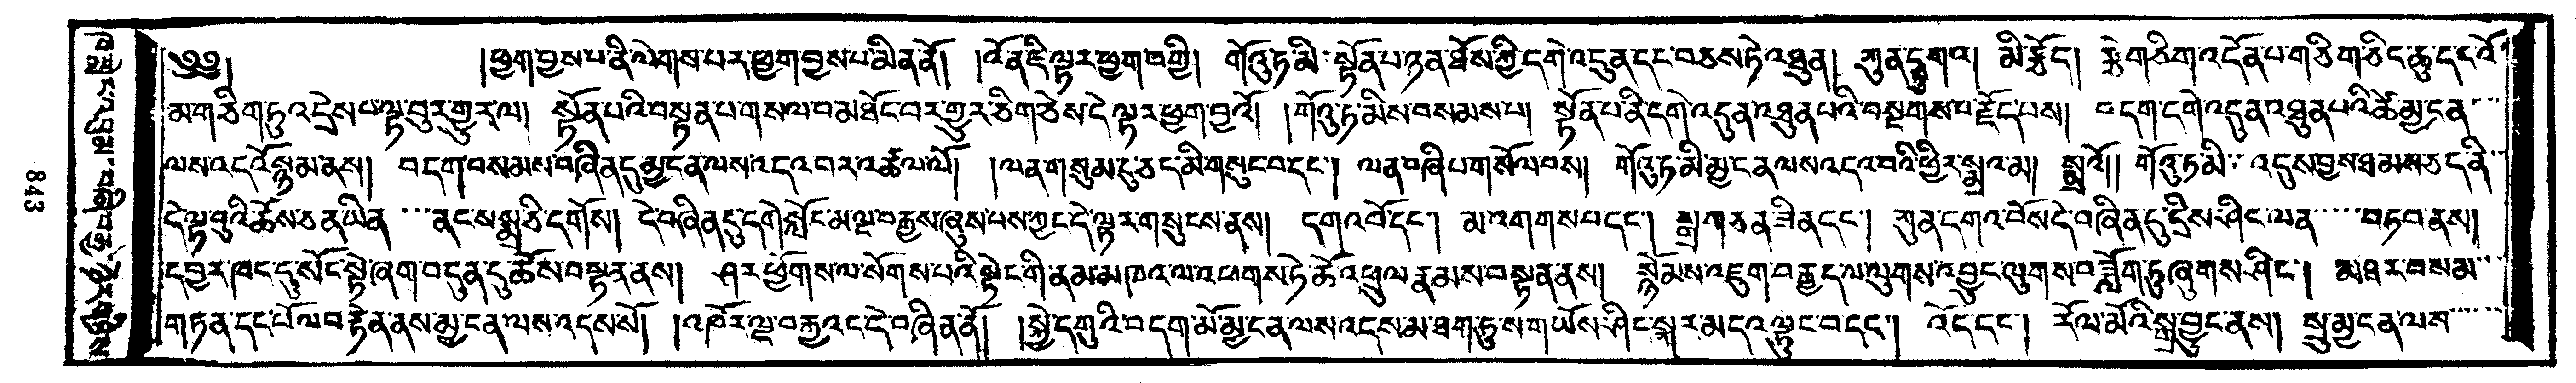༄༅། །ཕྱག་བྱས་པ་ནི་ལེགས་པར་ཕྱག་བྱས་པ་མིན་ནོ། །འོ་ན་ཇི་ལྟར་ཕྱག་བགྱི། གོའུ་ཏ་མི་སྟོན་པ་ཉན་ཐོས་ཀྱི་དགེ་འདུན་དང་བཅས་ཏེ་འཐུན། ཀུན་ཏུ་དགའ། མི་རྩོད། རྩེ་གཅིག་འདོན་པ་གཅིག་ཅིང་ཆུ་དང་འོ་
མ་གཅིག་ཏུ་འདྲེས་པ་ལྟ་བུར་གྱུར་ལ། སྟོན་པའི་བསྟན་པ་གསལ་བ་མཐོང་བར་གྱུར་ཅིག་ཅེས་དེ་ལྟར་ཕྱག་བྱའོ། །གོའུ་ཏ་མིས་བསམས་པ། སྟོན་པ་ནི་དགེ་འདུན་འཐུན་པའི་བསྔགས་པ་རྗོད་པས། བདག་དགེ་འདུན་འཐུན་པའི་ཚེ་མྱ་ངན་
ལས་འདའོ་སྙམ་ནས། བདག་བསམས་བཞིན་དུ་མྱ་ངན་ལས་འདའ་བར་འཚལ་ལོ། །ལན་གསུམ་དུ་ཅད་མི་གསུང་བ་དང་། ལན་བཞི་པ་གསོལ་བས། གོའུ་ཏ་མི་མྱ་ངན་ལས་འདའ་བའི་ཕྱིར་སྨྲའམ། སྨྲའོ།། གོའུ་ཏ་མི་འདུས་བྱས་ཐམས་ཅད་ནི་
དེ་ལྟ་བུའི་ཆོས་ཅན་ཡིན་ནང་ས་སྨྲ་ཅི་དགོས། དེ་བཞིན་དུ་དགེ་སློང་མ་ལྔ་བརྒྱས་ཞུས་པས་ཀྱང་དེ་ལྟར་གསུངས་ནས། དགའ་བོ་དང་། མ་འགགས་པ་དང་། སྒྲ་གཅན་ཟིན་དང་། ཀུན་དགའ་བོས་དེ་བཞིན་དུ་དྲིས་ཤིང་ལན་བཏབ་ནས།
དབྱར་ཁང་དུ་སོང་སྟེ་ཞག་བདུན་དུ་ཆོས་བསྟན་ནས། ཤར་ཕྱོགས་ལ་སོགས་པའི་སྟེང་གི་ནམ་མཁའ་ལ་འཕགས་ཏེ་ཆོ་འཕྲུལ་རྣམས་བསྟན་ནས། སྙོམས་འཇུག་བརྒྱད་ལ་ལུགས་འབྱུང་ལུགས་བཟློག་ཏུ་ཞུགས་ཤིང་། མཐར་བསམ་
གཏན་དང་པོ་ལ་བརྟེན་ནས་མྱ་ངན་ལས་འདས་སོ། །འཁོར་ལྔ་བརྒྱའང་དེ་བཞིན་ནོ། །སྐྱེ་དགུའི་བདག་མོ་མྱ་ངན་ལས་འདས་མ་ཐག་ཏུ་ས་གཡོས་ཤིང་སྐར་མདའ་ལྟུང་བ་དང་། འོད་དང་། རོལ་མོའི་སྒྲ་བྱུང་ནས། སྲུ་མྱ་ངན་ལས་